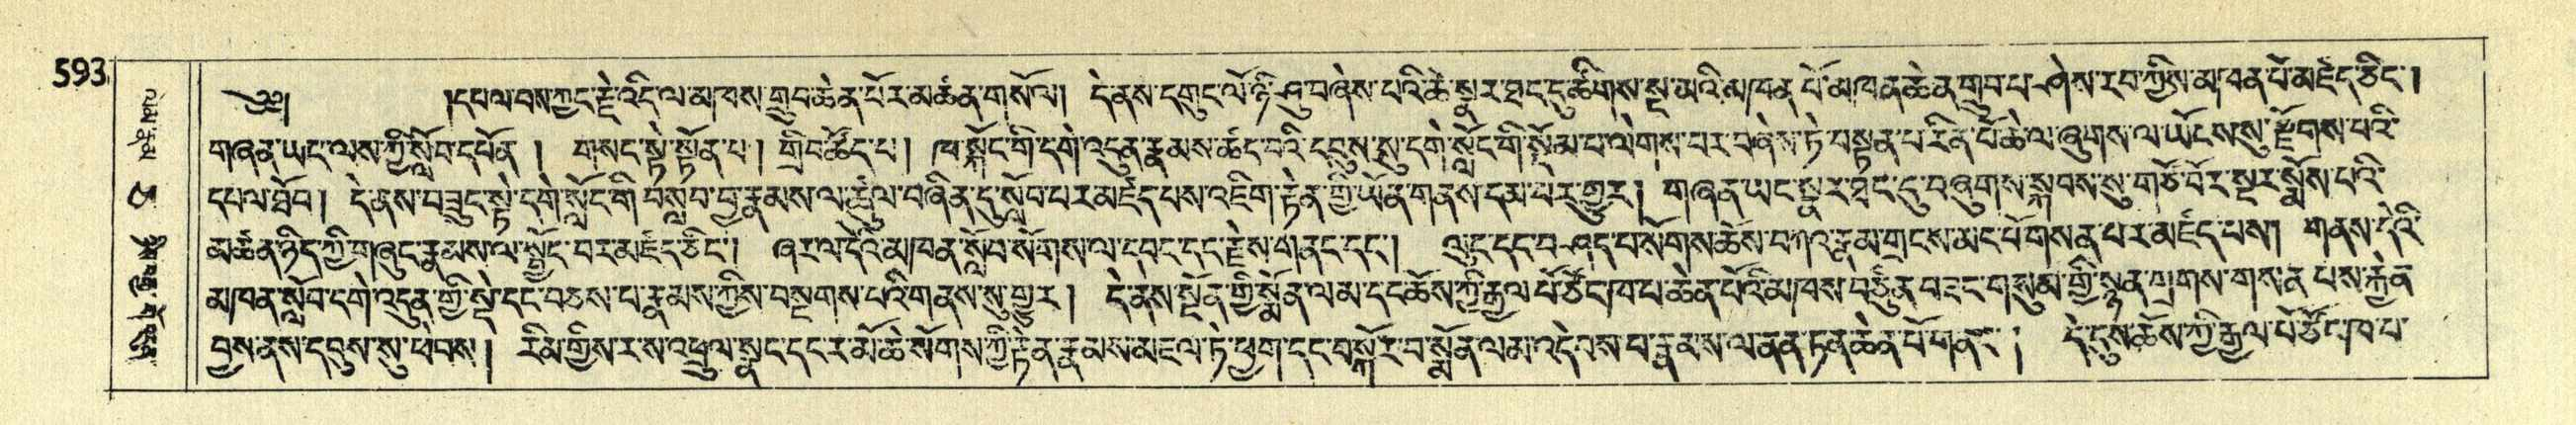༄༅། །དཔལ་བས་ཀྱང་རྗེ་འདི་ལ་མཁས་གྲུབ་ཆེན་པོར་མཚན་གསོལ། དེ་ནས་དགུང་ལོ་ཉི་ཤུ་བཞེས་པའི་ཚེ་སྣར་ཐང་དུ་ཚིགས་སྔ་མའི་མཁན་པོ་མཁན་ཆེན་གྲུབ་པ་ཤེས་རབ་ཀྱིས་མཁན་པོ་མཛད་ཅིང་།
གཞན་ཡང་ལས་ཀྱི་སློབ་དཔོན། གསང་སྟེ་སྟོན་པ། གྲིབ་ཚོད་པ། ཁ་སྐོང་གི་དགེ་འདུན་རྣམས་ཚད་བའི་དབུས་སུ་དགེ་སློང་གི་སྡོམ་པ་ལེགས་པར་བཞེས་ཏེ་བསྟན་པ་རིན་པོ་ཆེ་ལ་ཞུགས་ལ་ཡོངས་སུ་རྫོགས་པའི་
དཔལ་ཐོབ། དེ་ནས་བཟུང་སྟེ་དགེ་སློང་གི་བསླབ་བྱ་རྣམས་ལ་ཚུལ་བཞིན་དུ་སློབ་པར་མཛད་པས་འཇིག་རྟེན་གྱི་ཡོན་གནས་དམ་པར་གྱུར། གཞན་ཡང་སྣར་ཐང་དུ་བཞུགས་སྐབས་སུ་གཙོ་བོར་སྔར་སྨོས་པའི་
མཚན་ཉིད་ཀྱི་གཞུང་རྣམས་ལ་སྦྱོང་བར་མཛད་ཅིང་། ཞར་ལ་དེའི་མཁན་སློབ་སོགས་ལ་དབང་དང་རྗེས་གང་དང་། ལུང་དང་བཤད་པ་སོགས་ཆོས་བཀའ་རྣམ་གྲངས་མང་པོ་གསན་པར་མཛད་པས། གནས་དེའི་
མཁན་སློབ་དགེ་འདུན་གྱི་སྡེ་དང་བཅས་པ་རྣམས་ཀྱིས་བསྔགས་པའི་གནས་སུ་གྱུར། དེ་ནས་སྔོན་གྱི་སྨོན་ལམ་དང་ཆོས་ཀྱི་རྒྱལ་པོ་ཙོང་ཁ་པ་ཆེན་པོའི་མཁས་བཙུན་བཟང་གསུམ་གྱི་སྙན་གྲགས་གསན་པས་རྐྱེན་
བྱས་ནས་དབུས་སུ་ཕེབས། རིམ་གྱིས་ར་ས་འཕྲུལ་སྣང་དང་ར་མོ་ཆེ་སོགས་ཀྱི་རྟེན་རྣམས་མཇལ་ཏེ་ཕྱག་དང་བསྐོར་བ་སྨོན་ལམ་འདེབས་པ་རྣམས་ལ་ནན་ཏན་ཆེན་པོ་གནང་། དེ་དུས་ཆོས་ཀྱི་རྒྱལ་པོ་ཙོང་ཁ་པ་